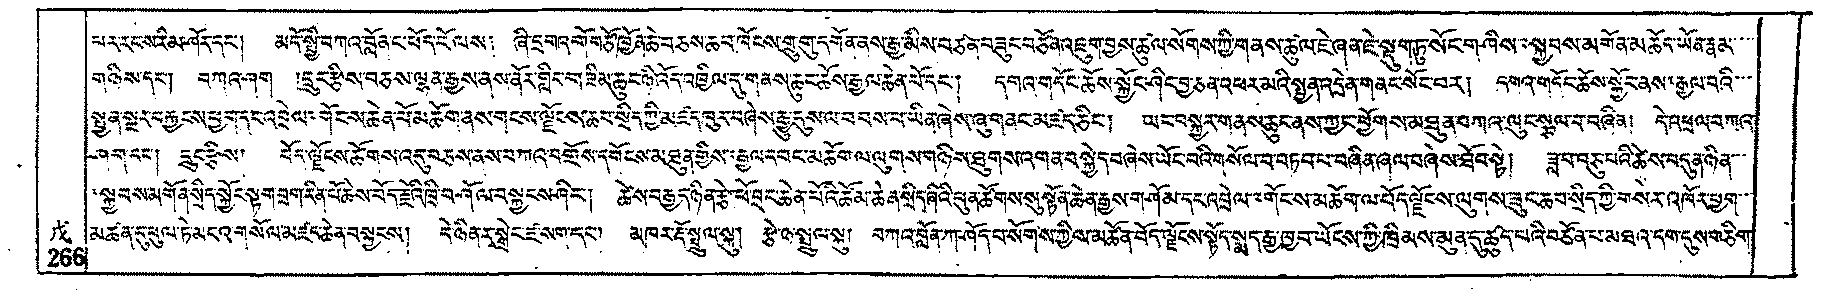པར་རང་ས་རིམ་ཤོར་དང་། མདོ་སྤྱི་བཀའ་བློན་ང་ཕོད་ངོ་ལས། ཞི་དྲག་འགོ་གཙོ་ཁྱོན་ཆེ་བཅས་ཆབ་ཁོངས་གྲུ་གུ་དགོན་ནས་རྒྱ་མིས་བཙན་བཟུང་བཙོན་འཇུག་བྱས་ཚུལ་སོགས་ཀྱི་གནས་ཚུལ་ཇེ་ཞན་ཇེ་སྡུག་ཏུ་སོང་གཤིས་༧སྐྱབས་མགོན་མཆོད་ཡོན་རྣམ་
གཉིས་དང་། བཀའ་ཤག །དྲུང་རྩིས་བཅས་ལྷན་རྒྱས་ནས་ནོར་གླིང་གཟིམ་ཆུང་ཉི་འོད་འཁྱིལ་དུ་གནས་ཆུང་ཆོས་རྒྱལ་ཆེན་པོ་དང་། དགའ་གདོང་ཆོས་སྐྱོང་ཤིང་བྱ་ཅན་འཕར་མའི་སྤྱན་འདྲེན་གནང་སོང་བར། དགའ་གདོང་ཆོས་སྐྱོང་ནས་༧རྒྱལ་བའི་
སྤྱན་སྔར་བརྐྱངས་ཕྱག་དང་འབྲེལ་༧གོང་ས་ཆེན་པོ་མཆོག་ནས་གངས་ལྗོངས་ཆབ་སྲིད་ཀྱི་མཛད་ཁུར་བཞེས་རྒྱུ་དུས་ལ་བབས་པ་ཡིན་ཞེས་ཞུ་གནང་མཛད་ཅིང་། ཡང་བསྐྱར་གནས་ཆུང་ནས་ཀྱང་ཕྱོགས་མཐུན་བཀའ་ལུང་སྩལ་བ་བཞིན། དེ་འཕྲལ་བཀའ་
ཤག་དང་། དྲུང་རྩིས། བོད་ལྗོངས་ཚོགས་འདུ་བཅས་ནས་བཀའ་བགྲོས་དགོངས་མཐུན་གྱིས་༧རྒྱལ་དབང་མཆོག་ལ་ལུགས་གཉིས་ཐུགས་འགན་བསྐྱེད་བཞེས་ཡོང་བའི་གསོལ་བ་བཏབ་པ་བཞིན་ཞལ་བཞེས་ཐོབ་སྟེ། ཟླ་བ་བཅུ་པའི་ཚེས་བདུན་ཉིན་
༧སྐྱབས་མགོན་སྲིད་སྐྱོང་སྟག་བྲག་རིན་པོ་ཆེས་བོད་རྗེའི་ཁྲི་བཤོལ་བསྐྱངས་ཤིང་། ཚེས་བརྒྱད་ཉིན་རྩེ་ཕོ་བྲང་ཆེན་པོའི་ཚོམ་ཆེན་སྲིད་ཞིའི་ཕུན་ཚོགས་སུ་སྟོན་ཆེན་རྒྱས་གཤོམ་དང་འབྲེལ་༧གོང་ས་མཆོག་ལ་བོད་ལྗོངས་ལུགས་ཟུང་ཆབ་སྲིད་ཀྱི་གསེར་འཁོར་ཕྱག་
མཚན་དུ་ཕུལ་ཏེ་མངའ་གསོལ་མཛད་ཆེན་བསྐྱངས། དེ་ཉིན་རྭ་སྒྲེང་ཛ་སག་དང་། མཁར་རྡོ་སྤྲུལ་སྐུ། རྩེ་ཉ་སྤྲུལ་སྐུ། བཀའ་བློན་ཀ་ཤོད་པ་སོགས་ཀྱིས་མཚོན་བོད་ལྗོངས་སྟོད་སྨད་རྒྱ་ཁྱབ་ཡོངས་ཀྱི་ཁྲིམས་མུན་དུ་ཚུད་པའི་བཙོན་པ་མཐའ་དག་དུས་གཅིག་